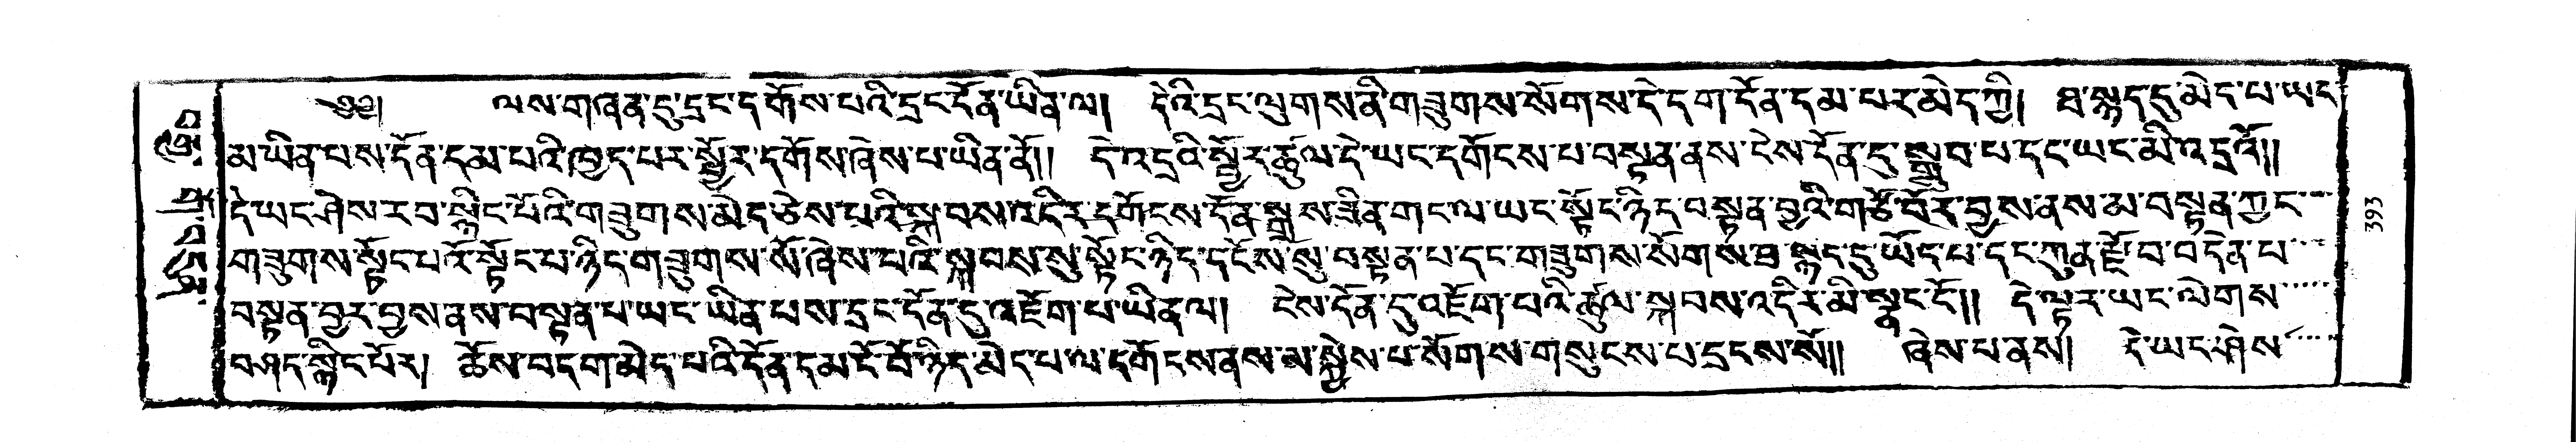༄༅། །ལས་གཞན་དུ་དྲང་དགོས་པའི་དྲང་དོན་ཡིན་ལ། དེའི་དྲང་ལུགས་ནི་གཟུགས་སོགས་དེ་དག་དོན་དམ་པར་མེད་ཀྱི། ཐ་སྙད་དུ་མེད་པ་ཡང་
མ་ཡིན་པས་དོན་དམ་པའི་ཁྱད་པར་སྦྱོར་དགོས་ཞེས་པ་ཡིན་ནོ།། དེ་འདྲའི་སྦྱོར་ཚུལ་དེ་ཡང་དགོངས་པ་བསྟན་ནས་ངེས་དོན་དུ་སྒྲུབ་པ་དང་ཡང་མི་འདྲའོ།།
དེ་ཡང་ཤེས་རབ་སྙིང་པོའི་གཟུགས་མེད་ཅེས་པའི་སྐབས་འདིར་དགོངས་དོན་སྒྲས་ཟིན་གང་ལ་ཡང་སྟོང་ཉིད་བསྟན་བྱའི་གཙོ་བོར་བྱས་ནས་མ་བསྟན་ཀྱང་
གཟུགས་སྟོང་པའོ་སྟོང་པ་ཉིད་གཟུགས་སོ་ཞེས་པའི་སྐབས་སུ་སྟོང་ཉིད་དངོས་སུ་བསྟན་པ་དང་གཟུགས་སོགས་ཐ་སྙད་དུ་ཡོད་པ་དང་ཀུན་རྫོབ་བདེན་པ་
བསྟན་བྱར་བྱས་ནས་བསྟན་པ་ཡང་ཡིན་པས་དྲང་དོན་དུ་འཇོག་པ་ཡིན་ལ། ངེས་དོན་དུ་འཇོག་པའི་ཚུལ་སྐབས་འདིར་མི་སྣང་ངོ།། དེ་ལྟར་ཡང་ལེགས་
བཤད་སྙིང་པོར། ཆོས་བདག་མེད་པའི་དོན་དམ་ངོ་བོ་ཉིད་མེད་པ་ལ་དགོངས་ནས་མ་སྐྱེས་པ་སོགས་གསུངས་པ་དྲངས་སོ།། ཞེས་པ་ནས། དེ་ཡང་ཤེས་